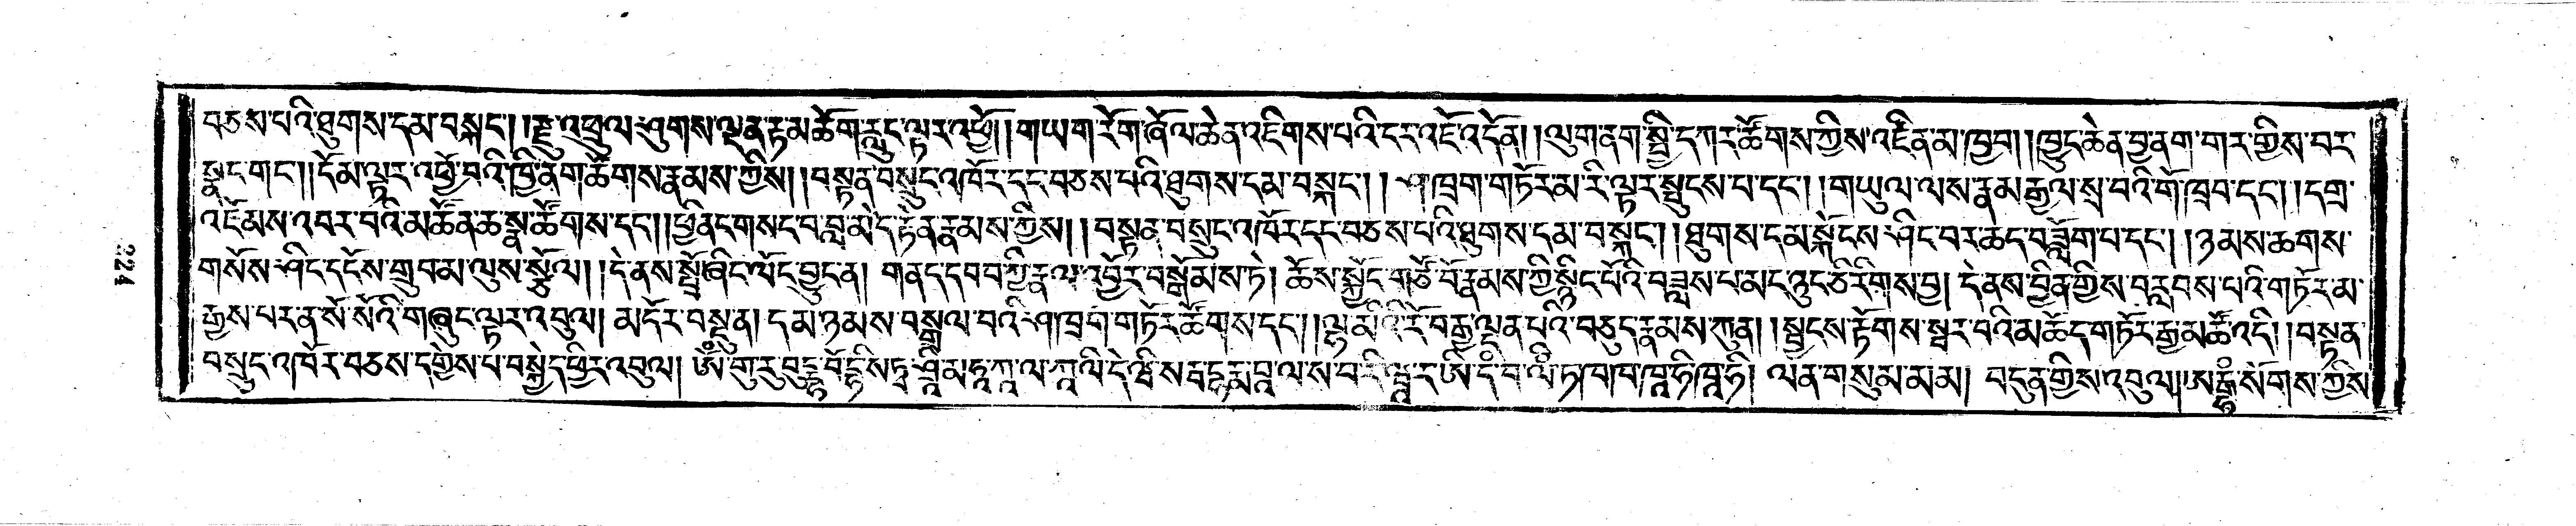བཅས་པའི་ཐུགས་དམ་བསྐང་། །རྫུ་འཕྲུལ་ཤུགས་ལྡན་རྟ་མཆོག་རླུང་ལྟར་འཕྱོ། །གཡག་རོག་ཞོལ་ཆེན་འཇིགས་པའི་ངར་འཇོ་འདོན། །ལུག་ནག་སྤྱི་དཀར་ཚོགས་ཀྱིས་འཛིན་མ་ཁྱབ། །ཁྱུང་ཆེན་བྱ་ནག་གར་གྱིས་བར་
སྣང་གང་། །དོམ་ལྟར་འཕྱོ་བའི་ཁྱི་ནག་ཚོགས་རྣམས་ཀྱིས། །བསྟན་བསྲུང་འཁོར་དང་བཅས་པའི་ཐུགས་དམ་བསྐང་། །ཤ་ཁྲག་གཏོར་མ་རི་ལྟར་སྤུངས་པ་དང་། །གཡུལ་ལས་རྣམ་རྒྱལ་སྲ་བའི་གོ་ཁྲབ་དང་། །དགྲ་
འཇོམས་འབར་བའི་མཚོན་ཆ་སྣ་ཚོགས་དང་། །ཕྱི་ནང་གསང་བ་བླ་མེད་རྟེན་རྣམས་ཀྱིས། །བསྟན་བསྲུང་འཁོར་དང་བཅས་པའི་ཐུགས་དམ་བསྐང་། །ཐུགས་དམ་སྐོངས་ཤིང་བར་ཆད་བཟློག་པ་དང་། །ཉམས་ཆགས་
གསོས་ཤིང་དངོས་གྲུབ་མ་ལུས་སྩོལ། །དེ་ནས་སྤྲོ་ཞིང་ལོང་བྱུང་ན། གནད་དབབ་ཀྱི་རྣལ་འབྱོར་བསྒོམས་ཏེ། ཆོས་སྐྱོང་གཙོ་བོ་རྣམས་ཀྱི་སྙིང་པོའི་བཟླས་པ་མང་ཉུང་ཅི་རིགས་བྱ། དེ་ནས་བྱིན་གྱིས་བརླབས་པའི་གཏོར་མ་
རྒྱས་པར་ན་སོ་སོའི་གཞུང་ལྟར་འབུལ། མདོར་བསྡུ་ན། དམ་ཉམས་བསྒྲལ་བའི་ཤ་ཁྲག་གཏོར་ཚོགས་དང་། །ལྷ་མིའི་རོ་བརྒྱ་ལྡན་པའི་བཅུད་རྣམས་ཀུན། །སྦྱངས་རྟོགས་སྦར་བའི་མཆོད་གཏོར་རྒྱ་མཚོ་འདི། །བསྟན་
བསྲུང་འཁོར་བཅས་དགྱེས་པ་བསྐྱེད་ཕྱིར་འབུལ། ཨོཾ་གུ་རུ་བུདྡྷ་བོ་དྷི་སཏྭ་ཤྲཱི་མཧཱ་ཀཱ་ལ་ཀཱ་ལི་དེ་ཝི་སརྦ་དྷརྨ་པཱ་ལ་ས་པ་རི་ཝཱ་ར་ཨི་དཾ་བ་ལིཾ་ཏ་ཁ་ཁ་ཁཱ་ཧི་ཁཱ་ཧི། ལན་གསུམ་མམ། བདུན་གྱིས་འབུལ། ཨརྒྷཾ་སོགས་ཀྱིས་